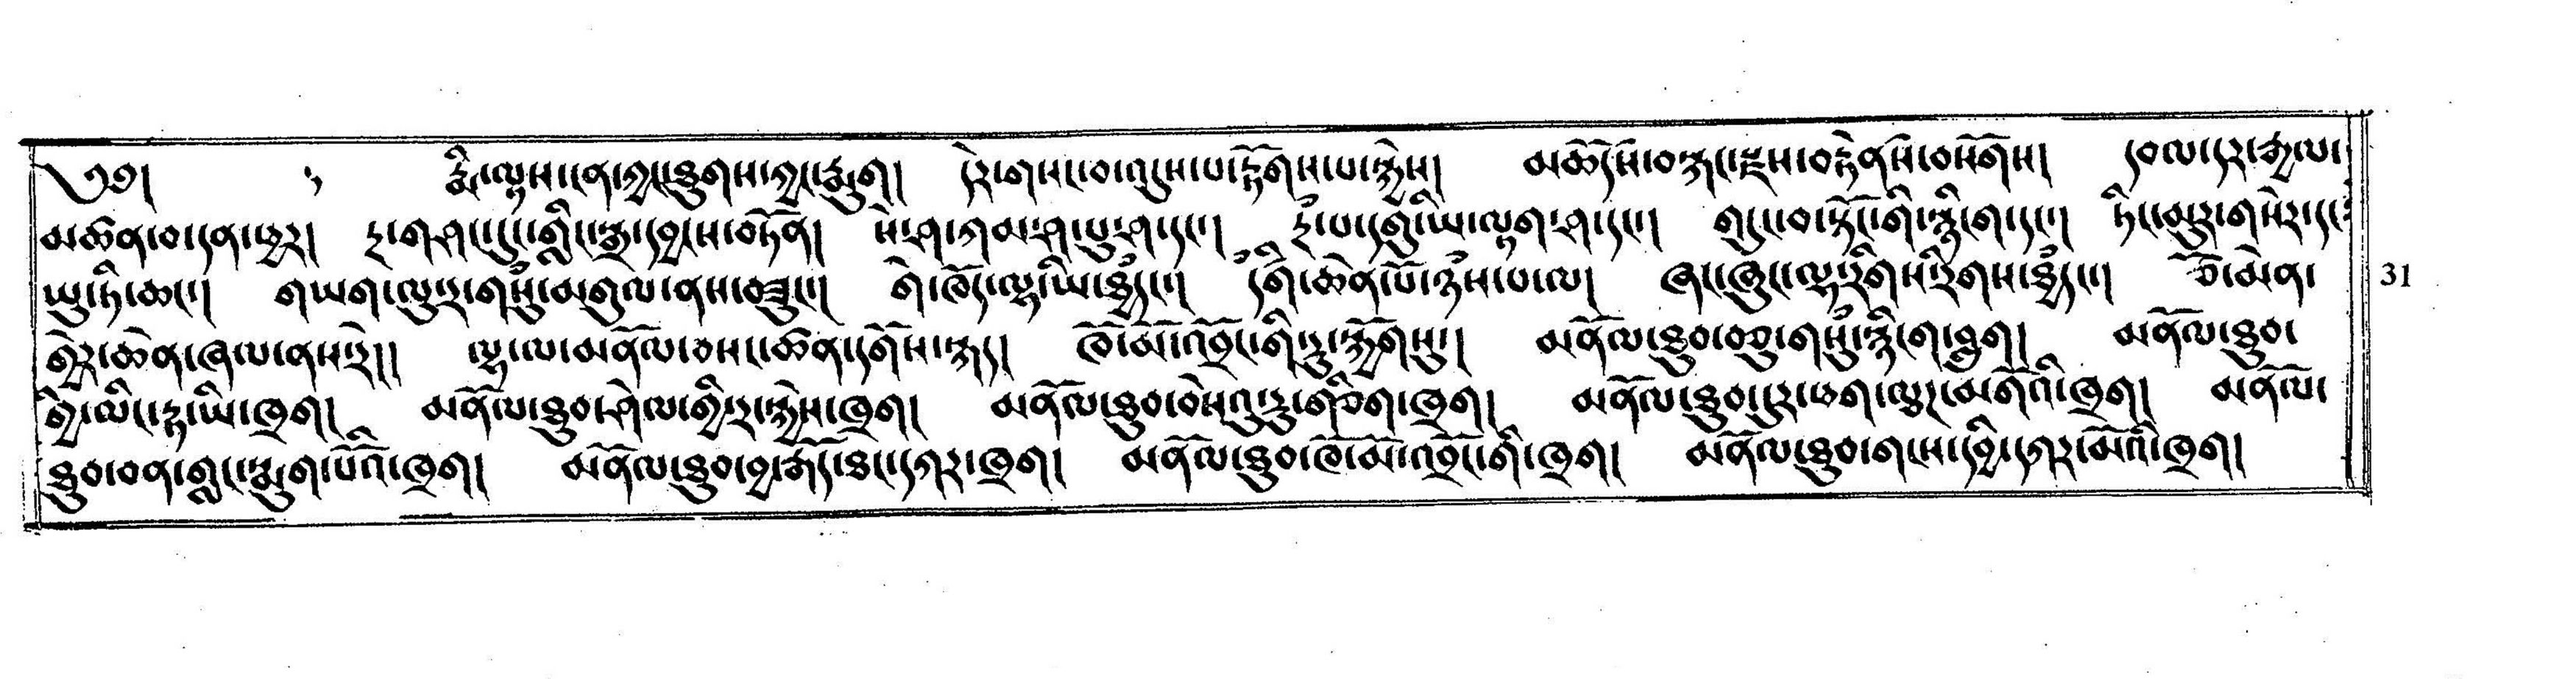རྨི་ལྟས་ངན་ཀྱང་ཐུགས་ཀྱང་རྨུག དེར་གསང་བ་འདུས་པ་རྟོག་པ་སྐྱེས། མཆོད་རྫས་བསྐང་རྫས་བརྟེན་རྫས་བསོགས། དབལ་དར་རྒྱལ་
མཚན་བ་དན་ཕྱར། རྔ་གཤང་དུང་གླིང་སྒྲ་དབྱངས་བཏོན། སེ་ཤ་ཀམ་ཤ་པུ་ཤ་དང་། རྔམ་པ་དགུ་ཡི་ལྟག་ཤ་དང་། གདུང་བ་སྟོང་གི་སྙིང་ཁྲག་དང་། ཏིང་མུར་གསེར་དང་
ཡུ་ཏི་ཆང་། གཡག་ལུག་ར་གསུམ་མགུལ་ནས་བཟུང་། གེ་ཁོད་ལྷ་ཡི་ཐུགས་དམ་བསྐང་། དམ་ཚིག་ཆེན་པོ་ཉམས་པ་ལ། ཞང་ཞུང་ལྷ་རིགས་ཐུགས་དམ་བསྐང་། ཙོ་མེན་
གྱེར་ཆེན་ཞལ་ནས་རེ།། ལྷ་ལ་མནོལ་བསང་ཚན་དགོས་སྐད། ཁོ་མོ་འབྲོང་གི་རུ་སྐྱོགས་སུ། མནོལ་ཐུབ་བཅུ་གསུམ་སྙིང་ཁྲག་བླུག །མནོལ་ཐུབ་
གྱི་ལིང་རྟ་ཡི་ཁྲག །མནོལ་ཐུབ་ཤེལ་གྱི་ར་སྐྱེས་ཁྲག མནོལ་ཐུབ་བསེའུ་རུ་གཅིག་ཁྲག མནོལ་ཐུབ་དུར་ཕག་ལྕགས་མགོའི་ཁྲག མནོལ་
ཐུབ་བན་གླང་སྨུག་པོའི་ཁྲག མནོལ་ཐུབ་བྱ་རྒོད་ཐང་དཀར་ཁྲག མནོལ་ཐུབ་ཁོ་མོ་འབྲོང་གི་ཁྲག མནོལ་ཐུབ་གངས་དབྱི་དཀར་མོའི་ཁྲག